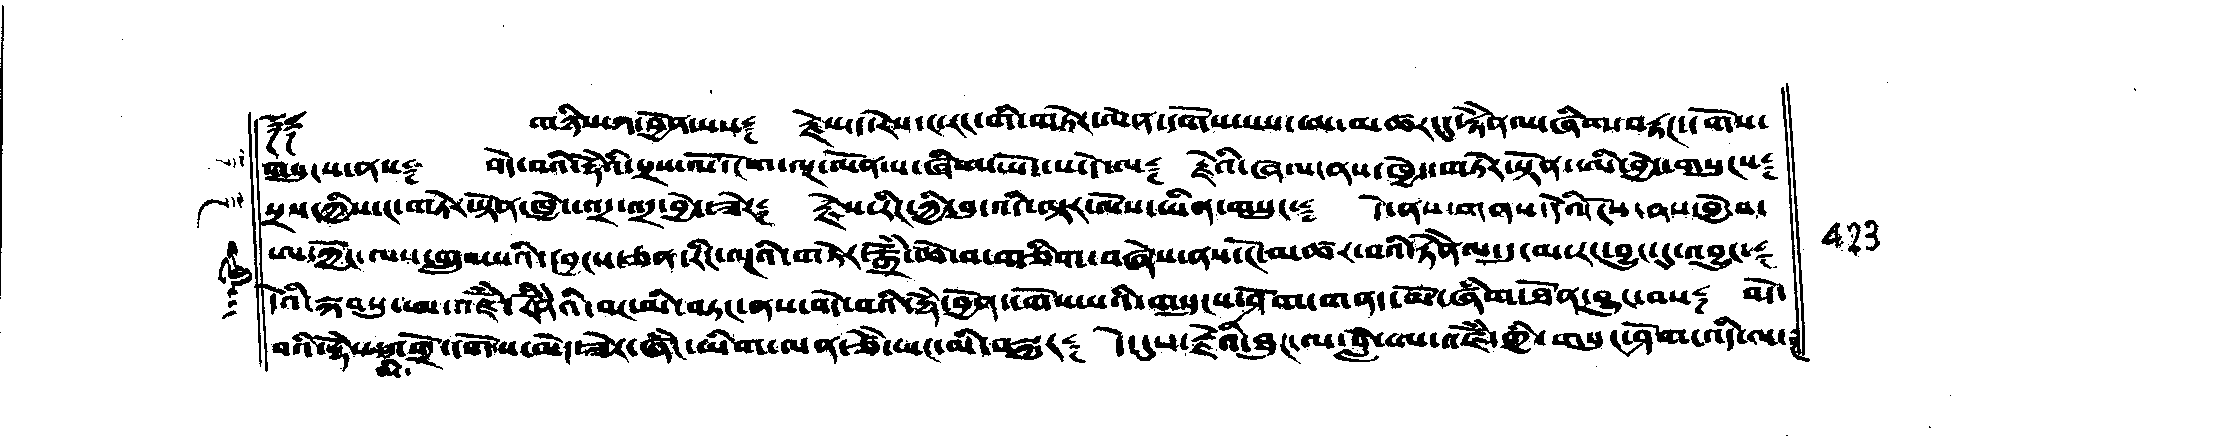གཉིས་ཀ་བྱོན་པས། རྗེས་ད་རེས་ང་རང་གི་གཏེར་ལེན་དགོས་པས་ཨ་མཚར་དུ་རྟེན་འབྲེལ་ཞིག་བརྟགས་དགོས་
གསུངས་ནས། བདེ་བའི་རྡོ་རྗེའི་སྲས་ལོ་ངོ་ལྔ་ལོན་པ་ཞིག་ཡོད་པ་དེ་ལ། རྗེའི་ཞལ་ནས་ཁྱེད་གཏེར་སྟོན་ཨི་བྱེད་གསུངས། 
སྲས་ཀྱིས་ང་གཏེར་སྟོན་ཁྱེད་འདྲ་འདྲ་བྱེད་ཟེར། རྗེས་རིགས་ཀྱི་བུ་འདི་ལྟར་ལོས་ཡིན་གསུངས། དེ་ནས་གནས་དེའི་ངོས་ནས་བྱེ་མ་
ཨ་ཀྲོང་ལས་གྲུབ་པའི་དབྱངས་ཅན་རིགས་ལྔའི་གཏེར་སྒྲོམ་ཆེ་བ་གཅིག་བཞེས་ནས་ངོ་མཚར་བའི་རྟེན་འབྲེལ་དུ་མ་རང་འབྱུང་
དུ་བྱུང་། དེའི་སྐབས་སུ་ཨ་འཛོམ་རིན་པོ་ཆེའི་བང་མི་བཏང་ནས་བདེ་བའི་རྡོ་རྗེ་བྱོན་དགོས་པའི་གསུང་ཤོག་གནད་མོ་ཞིག་ཐོན་བྱུང་བས། བདེ་
བའི་རྡོ་རྗེས་མི་འགྲོ་དགོས་མེད་ཟེར་ཞིང་ཡིག་ལན་ཙམ་ཡང་མི་བསྐུར། དེ་དུས་རྗེའི་ཐུགས་ལ་བླ་མ་ཨ་འཛོམ་གྱི་གསུང་ཤོག་འདི་ལ།